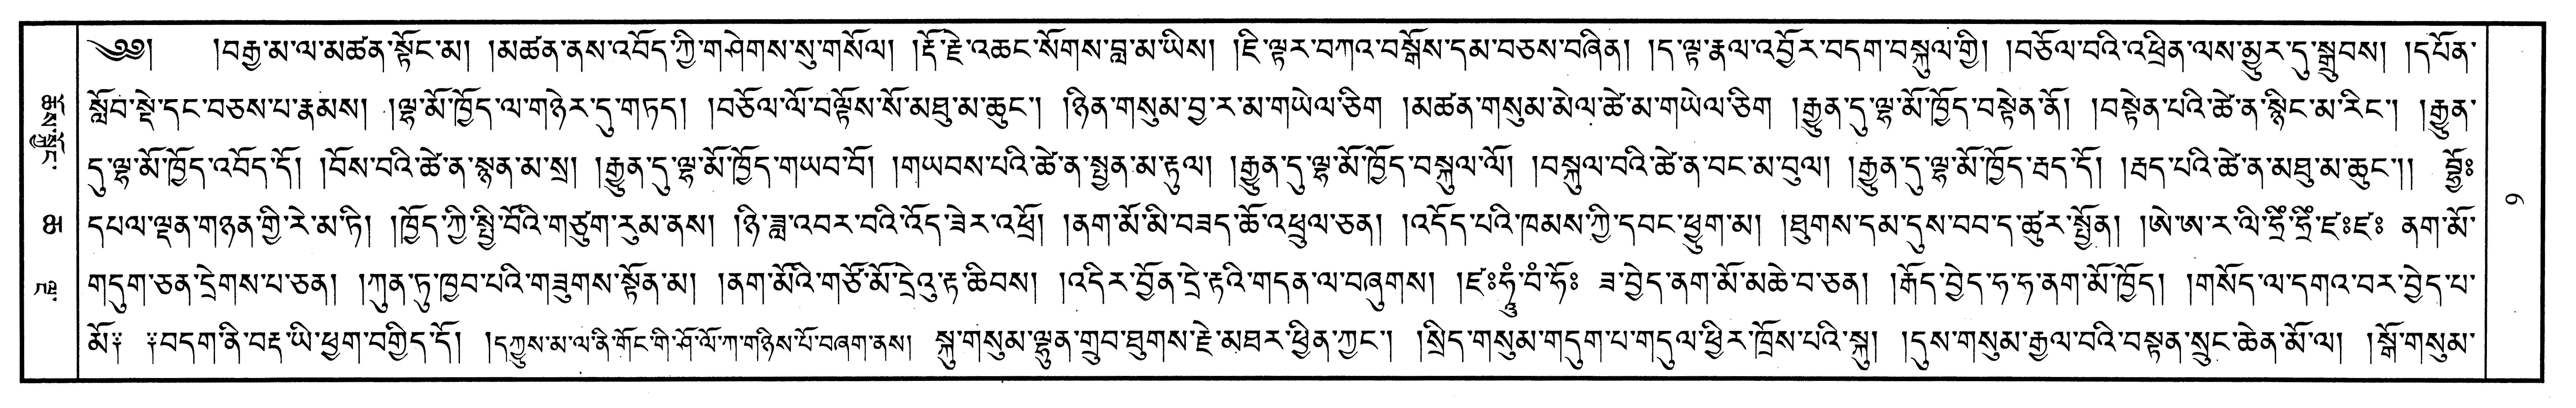༄༅། །བརྒྱ་མ་ལ་མཚན་སྟོང་མ། །མཚན་ནས་འབོད་ཀྱི་གཤེགས་སུ་གསོལ། །རྡོ་རྗེ་འཆང་སོགས་བླ་མ་ཡིས། །ཇི་ལྟར་བཀའ་བསྒོས་དམ་བཅས་བཞིན། །ད་ལྟར་རྣལ་འབྱོར་བདག་བསྐུལ་གྱི། །བཅོལ་བའི་འཕྲིན་ལས་མྱུར་དུ་སྒྲུབས། །དཔོན་
སློབ་སྡེ་དང་བཅས་པ་རྣམས། །ལྷ་མོ་ཁྱོད་ལ་གཉེར་དུ་གཏད། །བཅོལ་ལོ་བལྟོས་སོ་མཐུ་མ་ཆུང་། །ཉིན་གསུམ་བྱ་ར་མ་གཡེལ་ཅིག། །མཚན་གསུམ་མེལ་ཚེ་མ་གཡེལ་ཅིག །རྒྱུན་དུ་ལྷ་མོ་ཁྱོད་བསྟེན་ནོ། །བསྟེན་པའི་ཚེ་ན་སྙིང་མ་རིང་། །རྒྱུན་
དུ་ལྷ་མོ་ཁྱོད་འབོད་དོ། །བོས་བའི་ཚེ་ན་སྙན་མ་སྲ། །རྒྱུན་དུ་ལྷ་མོ་ཁྱོད་གཡབ་བོ། །གཡབས་པའི་ཚེ་ན་སྤྱན་མ་རྟུལ། །རྒྱུན་དུ་ལྷ་མོ་ཁྱོད་བསྐུལ་ལོ། །བསྐུལ་བའི་ཚེ་ན་བ་བང་མ་བུལ། །རྒྱུན་དུ་ལྷ་མོ་ཁྱོད་རྦད་དོ། །རྦད་པའི་ཚེ་ན་མཐུ་མ་ཆུང།། བྷྱོཿ
དཔལ་ལྡན་གཉན་གྱི་རེ་མ་ཏི། །ཁྱོད་ཀྱི་སྤྱི་བོའི་གཙུག་རུམ་ནས། །ཉི་ཟླ་འབར་བའི་འོད་ཟེར་འཕྲོ། །ནག་མོ་མི་བཟད་ཆོ་འཕྲུལ་ཅན། །འདོད་པའི་ཁམས་ཀྱི་དབང་ཕྱུག་མ། །ཐུགས་དམ་དུས་བབ་ད་ཚུར་སྤྱོན། །ཨེ་ཨ་ར་ལི་ཧྲིཾ་ཧྲིཾ་ཛཿ ཛཿ ནག་མོ་
གདུག་ཅན་དྲེགས་པ་ཅན། །ཀུན་ཏུ་ཁྱབ་པའི་གཟུགས་སྟོན་མ། །ནག་མོའི་གཙོ་མོ་དྲེའུ་རྟ་ཆིབས། །འདིར་བྱོན་དྲེ་རྟའི་གདན་ལ་བཞུགས། །ཛཿ ཧཱུཾ་བཾ་ཧོཿ ཟ་བྱེད་ནག་མོ་མཆེ་བ་ཅན། །རྒོད་བྱེད་ཧ་ཧ་ནག་མོ་ཁྱོད། །གསོད་ལ་དགའ་བར་བྱེད་པ་
མོ༑ ༑བདག་ནི་བརྡ་ཡི་ཕྱག་བགྱིད་དོ། །དཀྱུས་མ་ལ་ནི་གོང་གི་ཤོ་ལོ་ཀ་གཉིས་པོ་བཞག་ནས། སྐུ་གསུམ་ལྷུན་གྲུབ་ཐུགས་རྗེ་མཐར་ཕྱིན་ཀྱང་། །སྲིད་གསུམ་གདུག་པ་གདུལ་ཕྱིར་ཁྲོས་པའི་སྐུ། །དུས་གསུམ་རྒྱལ་བའི་བསྟན་སྲུང་ཆེན་མོ་ལ། །སྒོ་གསུམ་